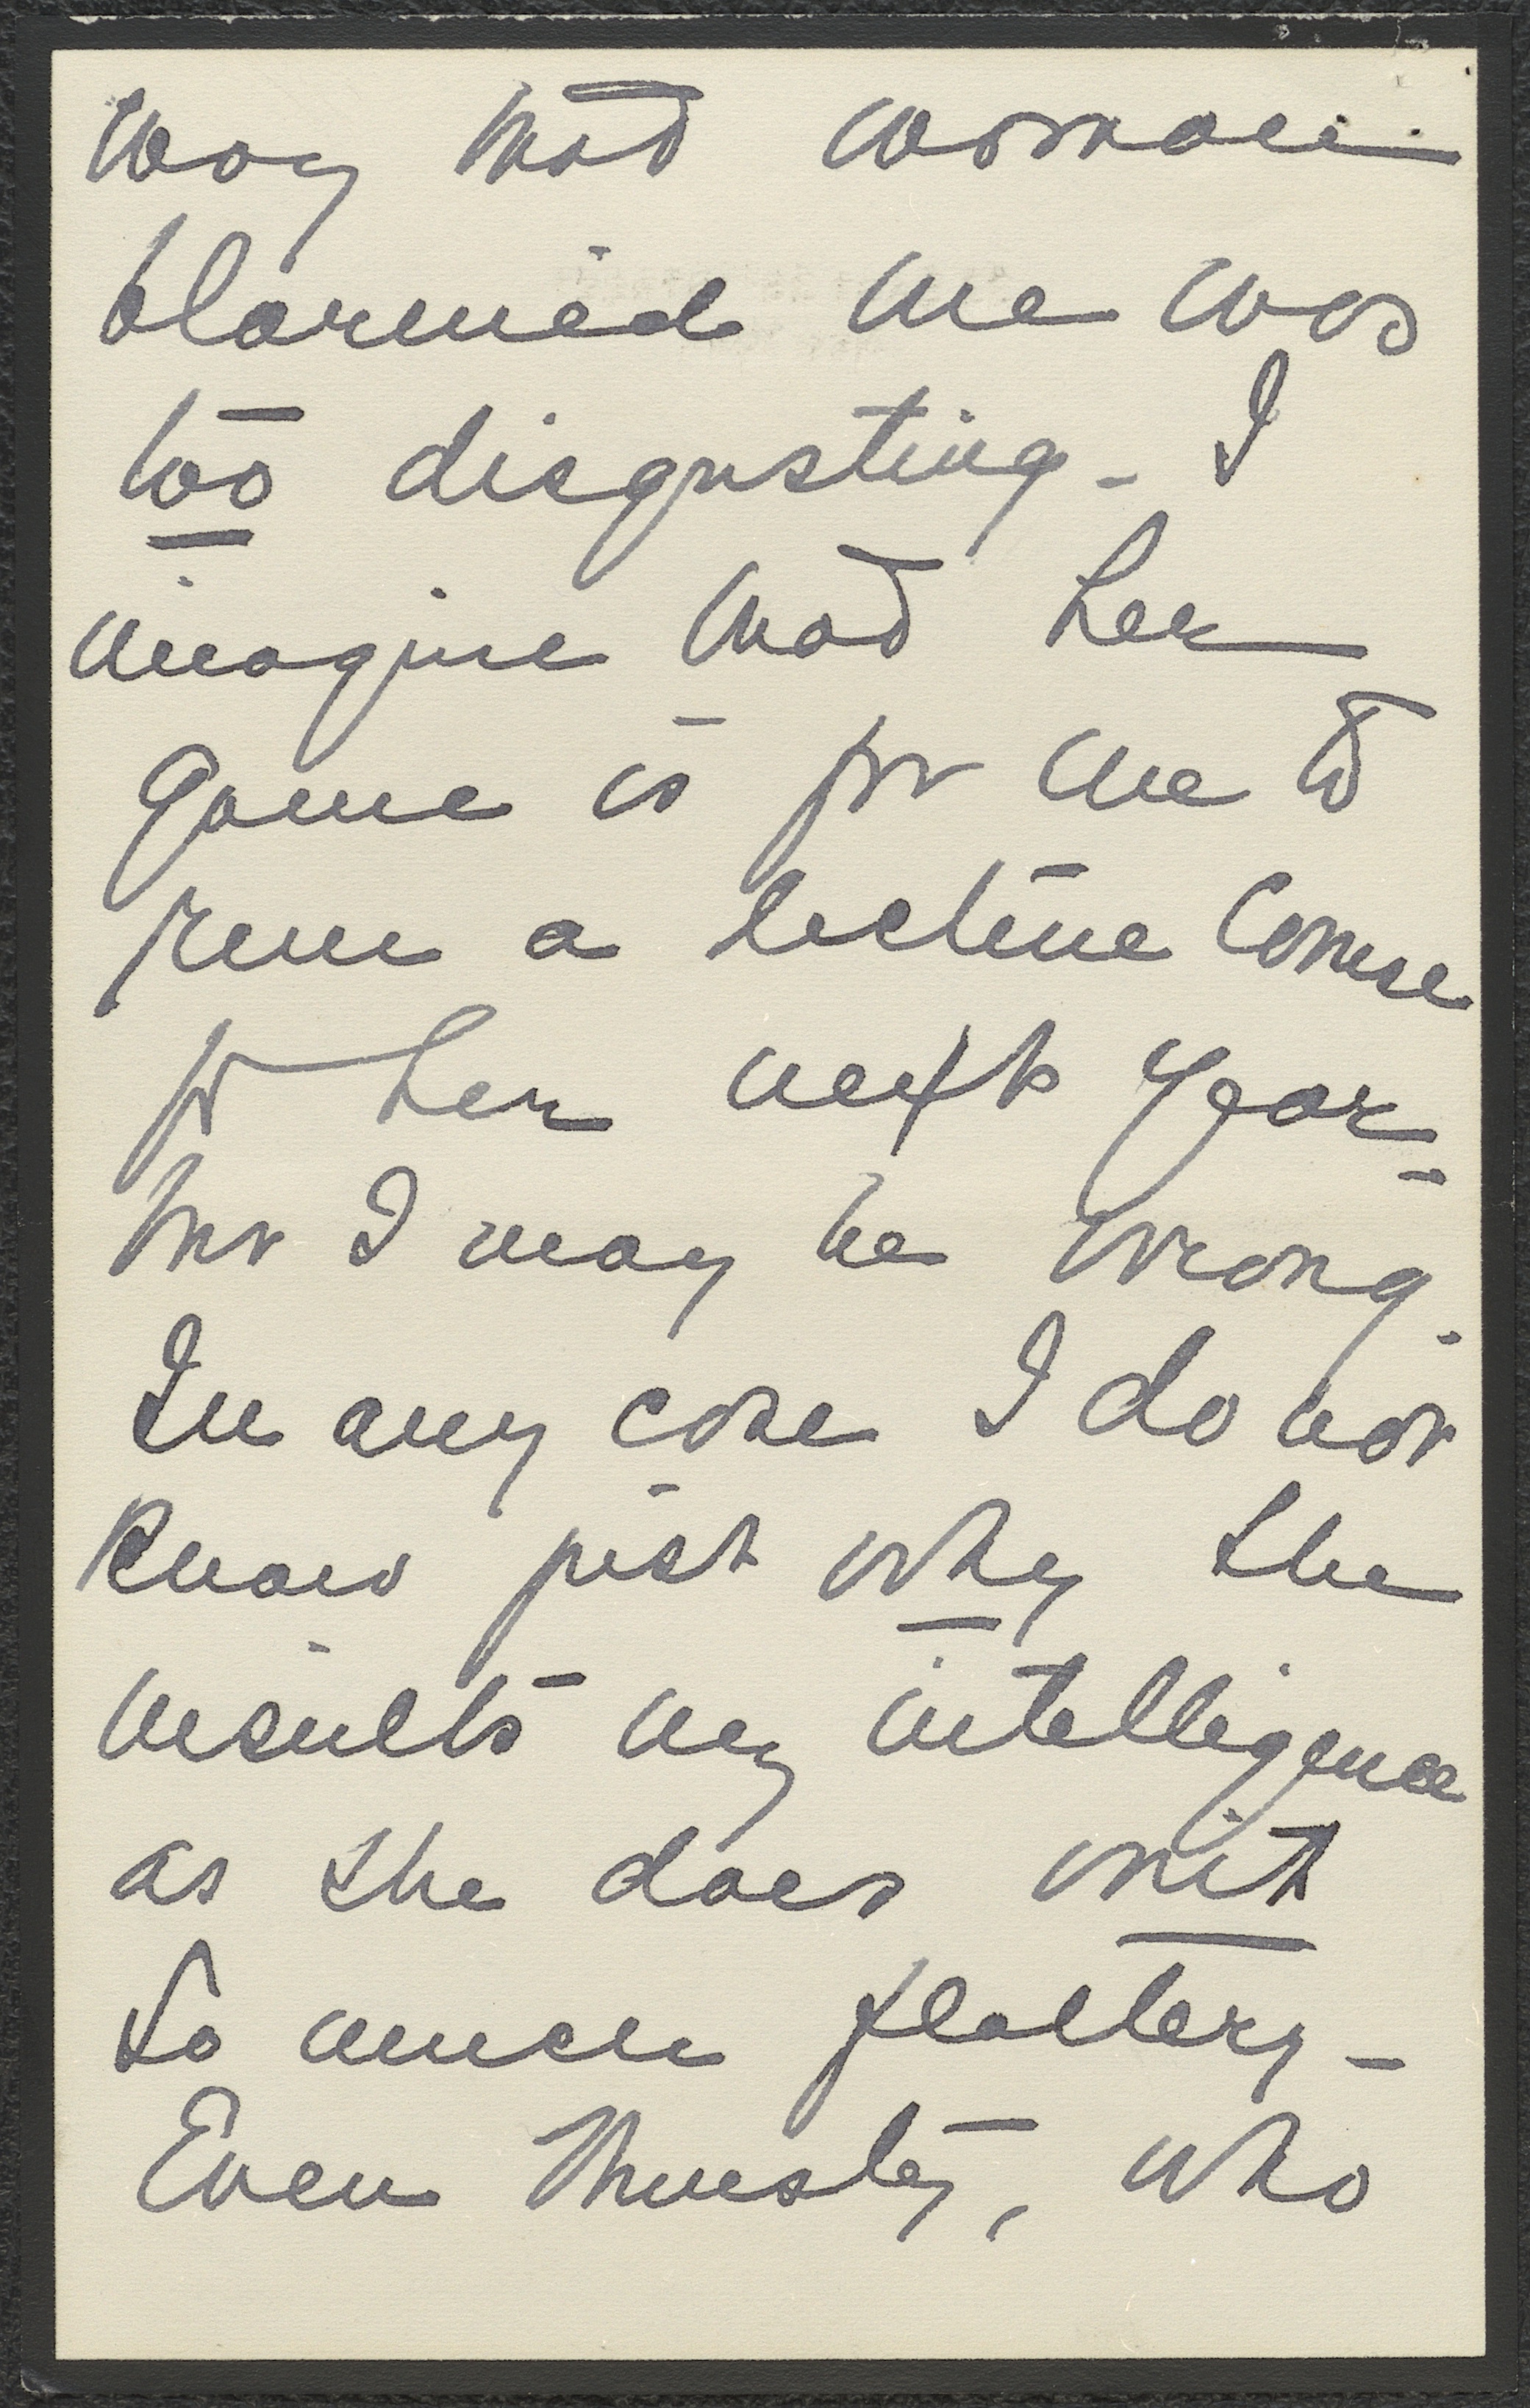way that woman blarnied me was too disgusting – I imagine that her game is for me to run a lecture course for her next year – but I may be wrong. In any case I do not know just why she insults my intelligence as she does with so much flattery – Even Thursty, who